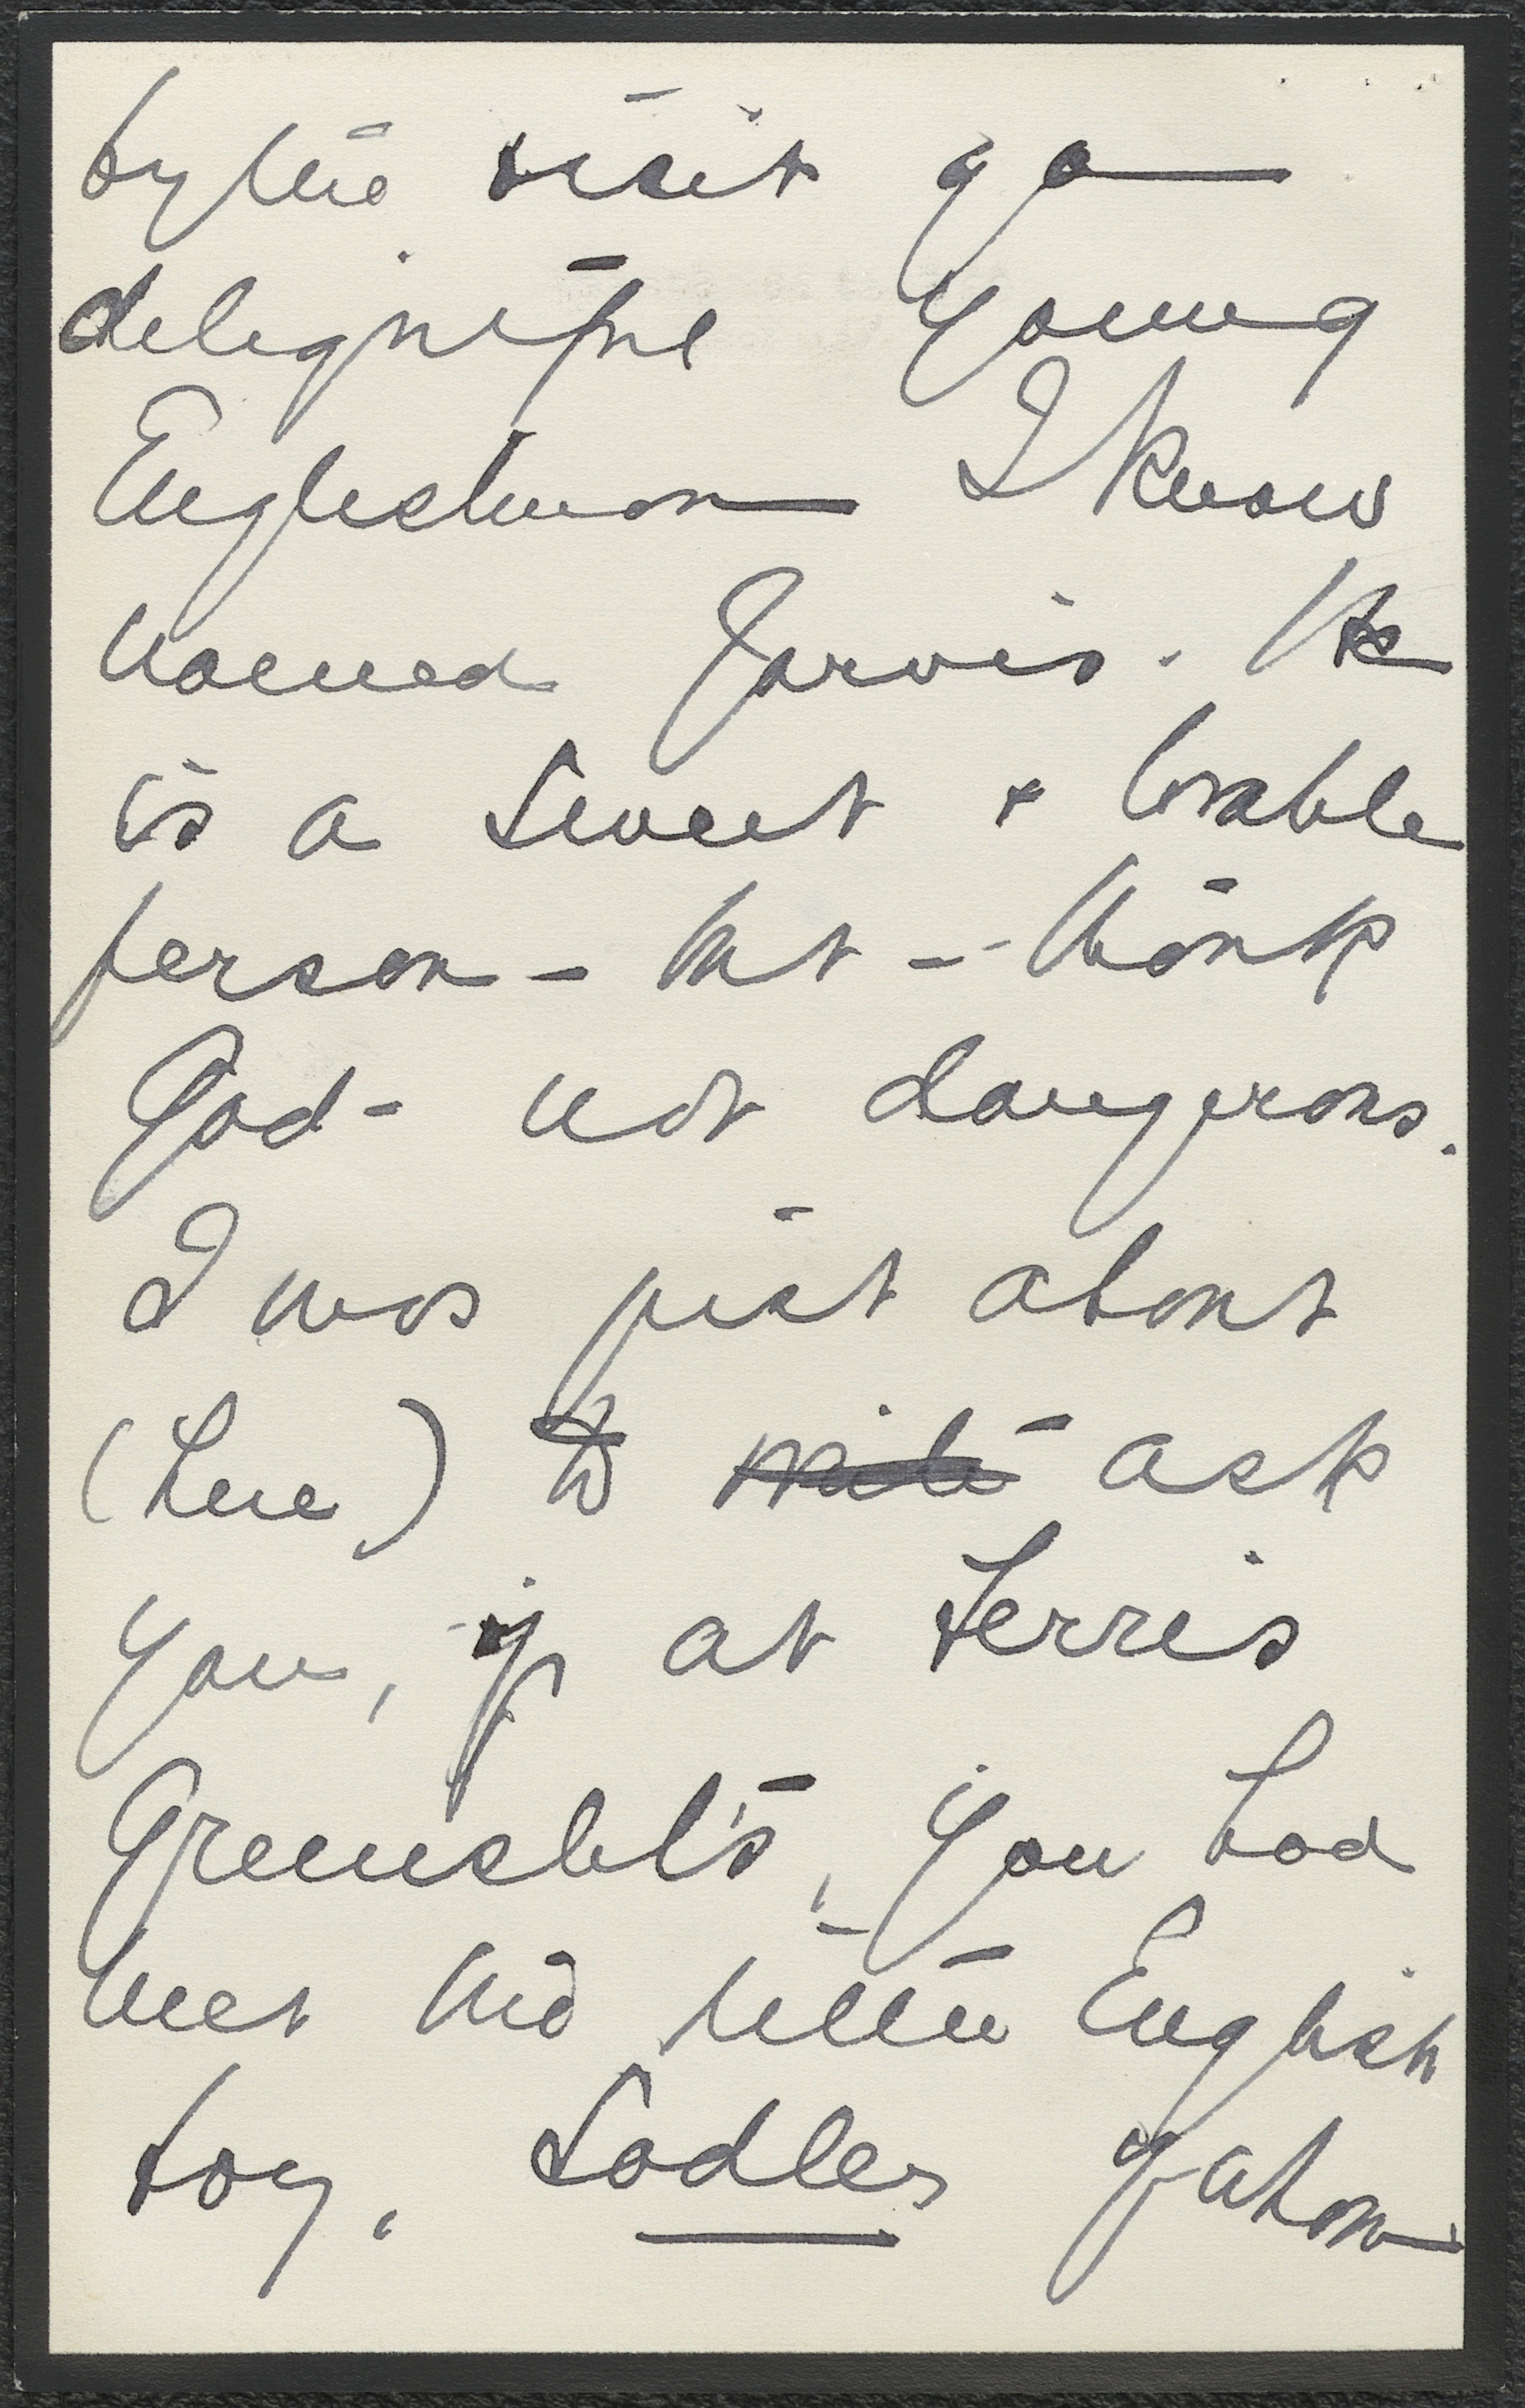by the visit of a delightful young Englishman I know named Jarvis. He is a sweet & lovable person – but – thank God – not dangerous. I was just about (here) to write ask you, if at Ferris Greenslet’s, you had met the little English boy, Sadler of whom